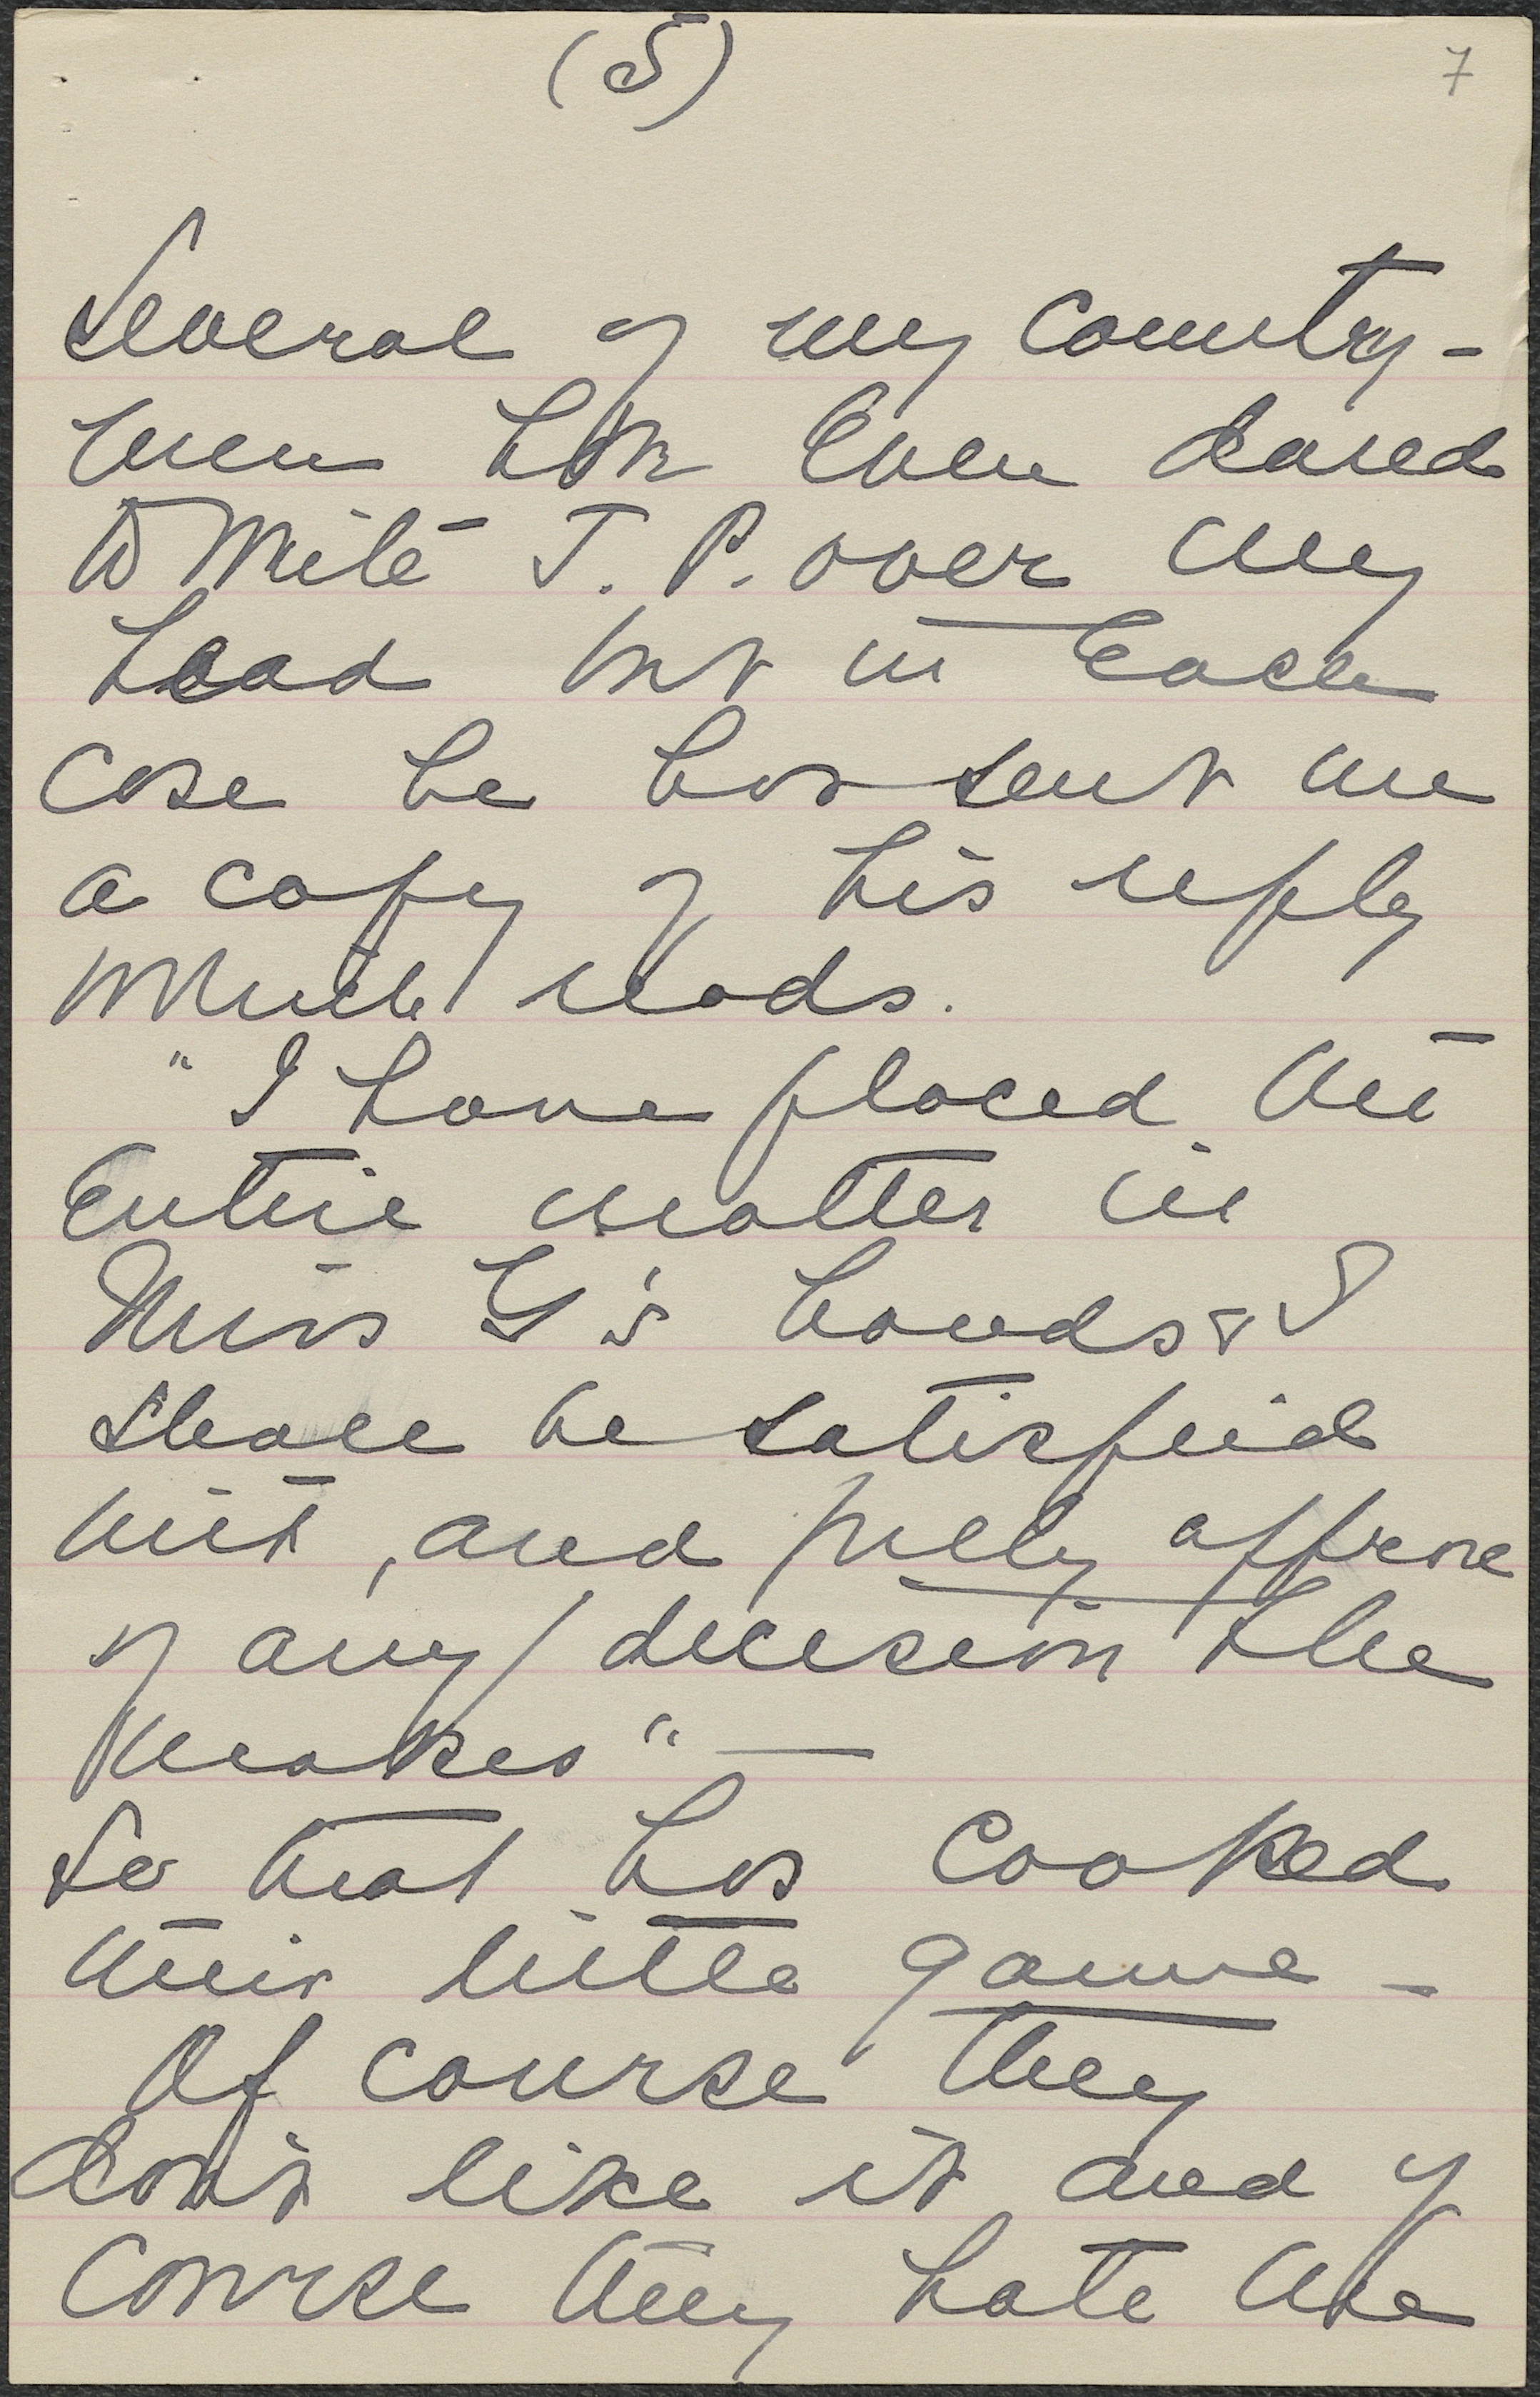(5)
Several of my countrymen have even dared to write J. P. over my head but in each case he has sent me a copy of his reply which reads.
“I have placed the entire matter in Miss G’s hands & I shall be satisfied with, and fully approve of any decision she makes” –
So that has cooked their little game – Of course they don’t like it and of course they hate me